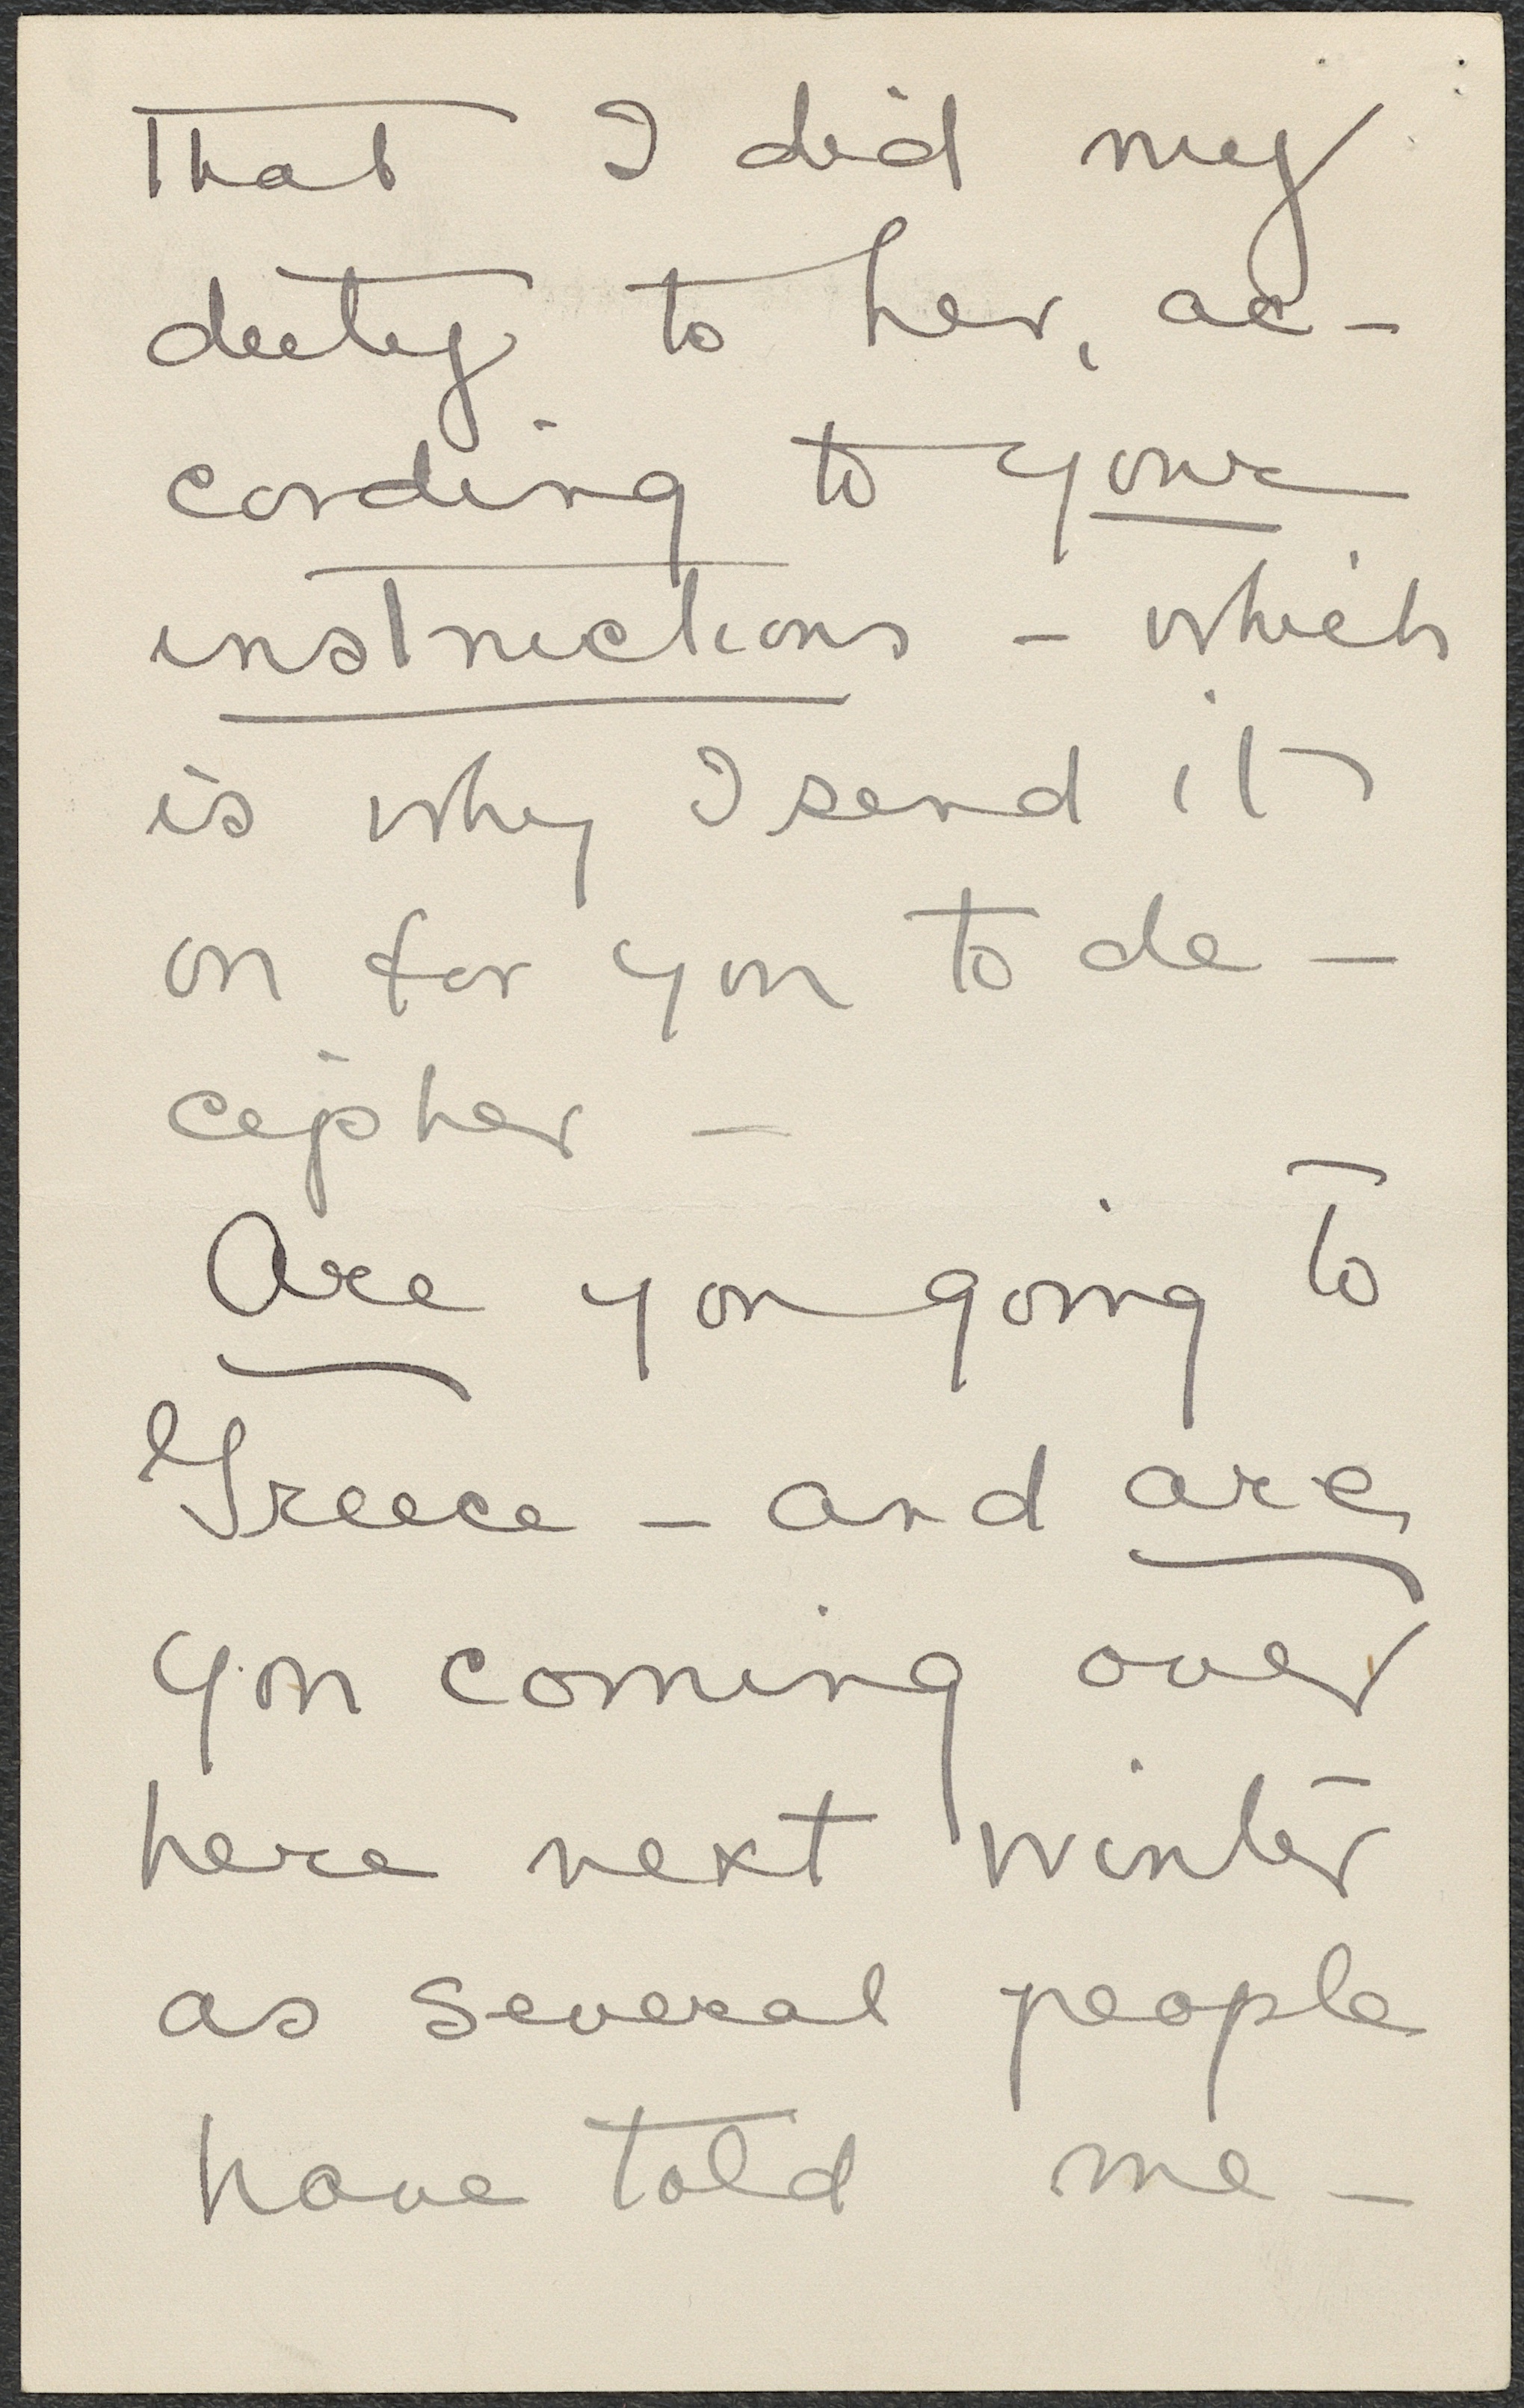that I did my duty to her, according to your instructions – which is why I send it on for you to decipher –
Are you going to Greece – and are you coming over here next winter as several people have told me –